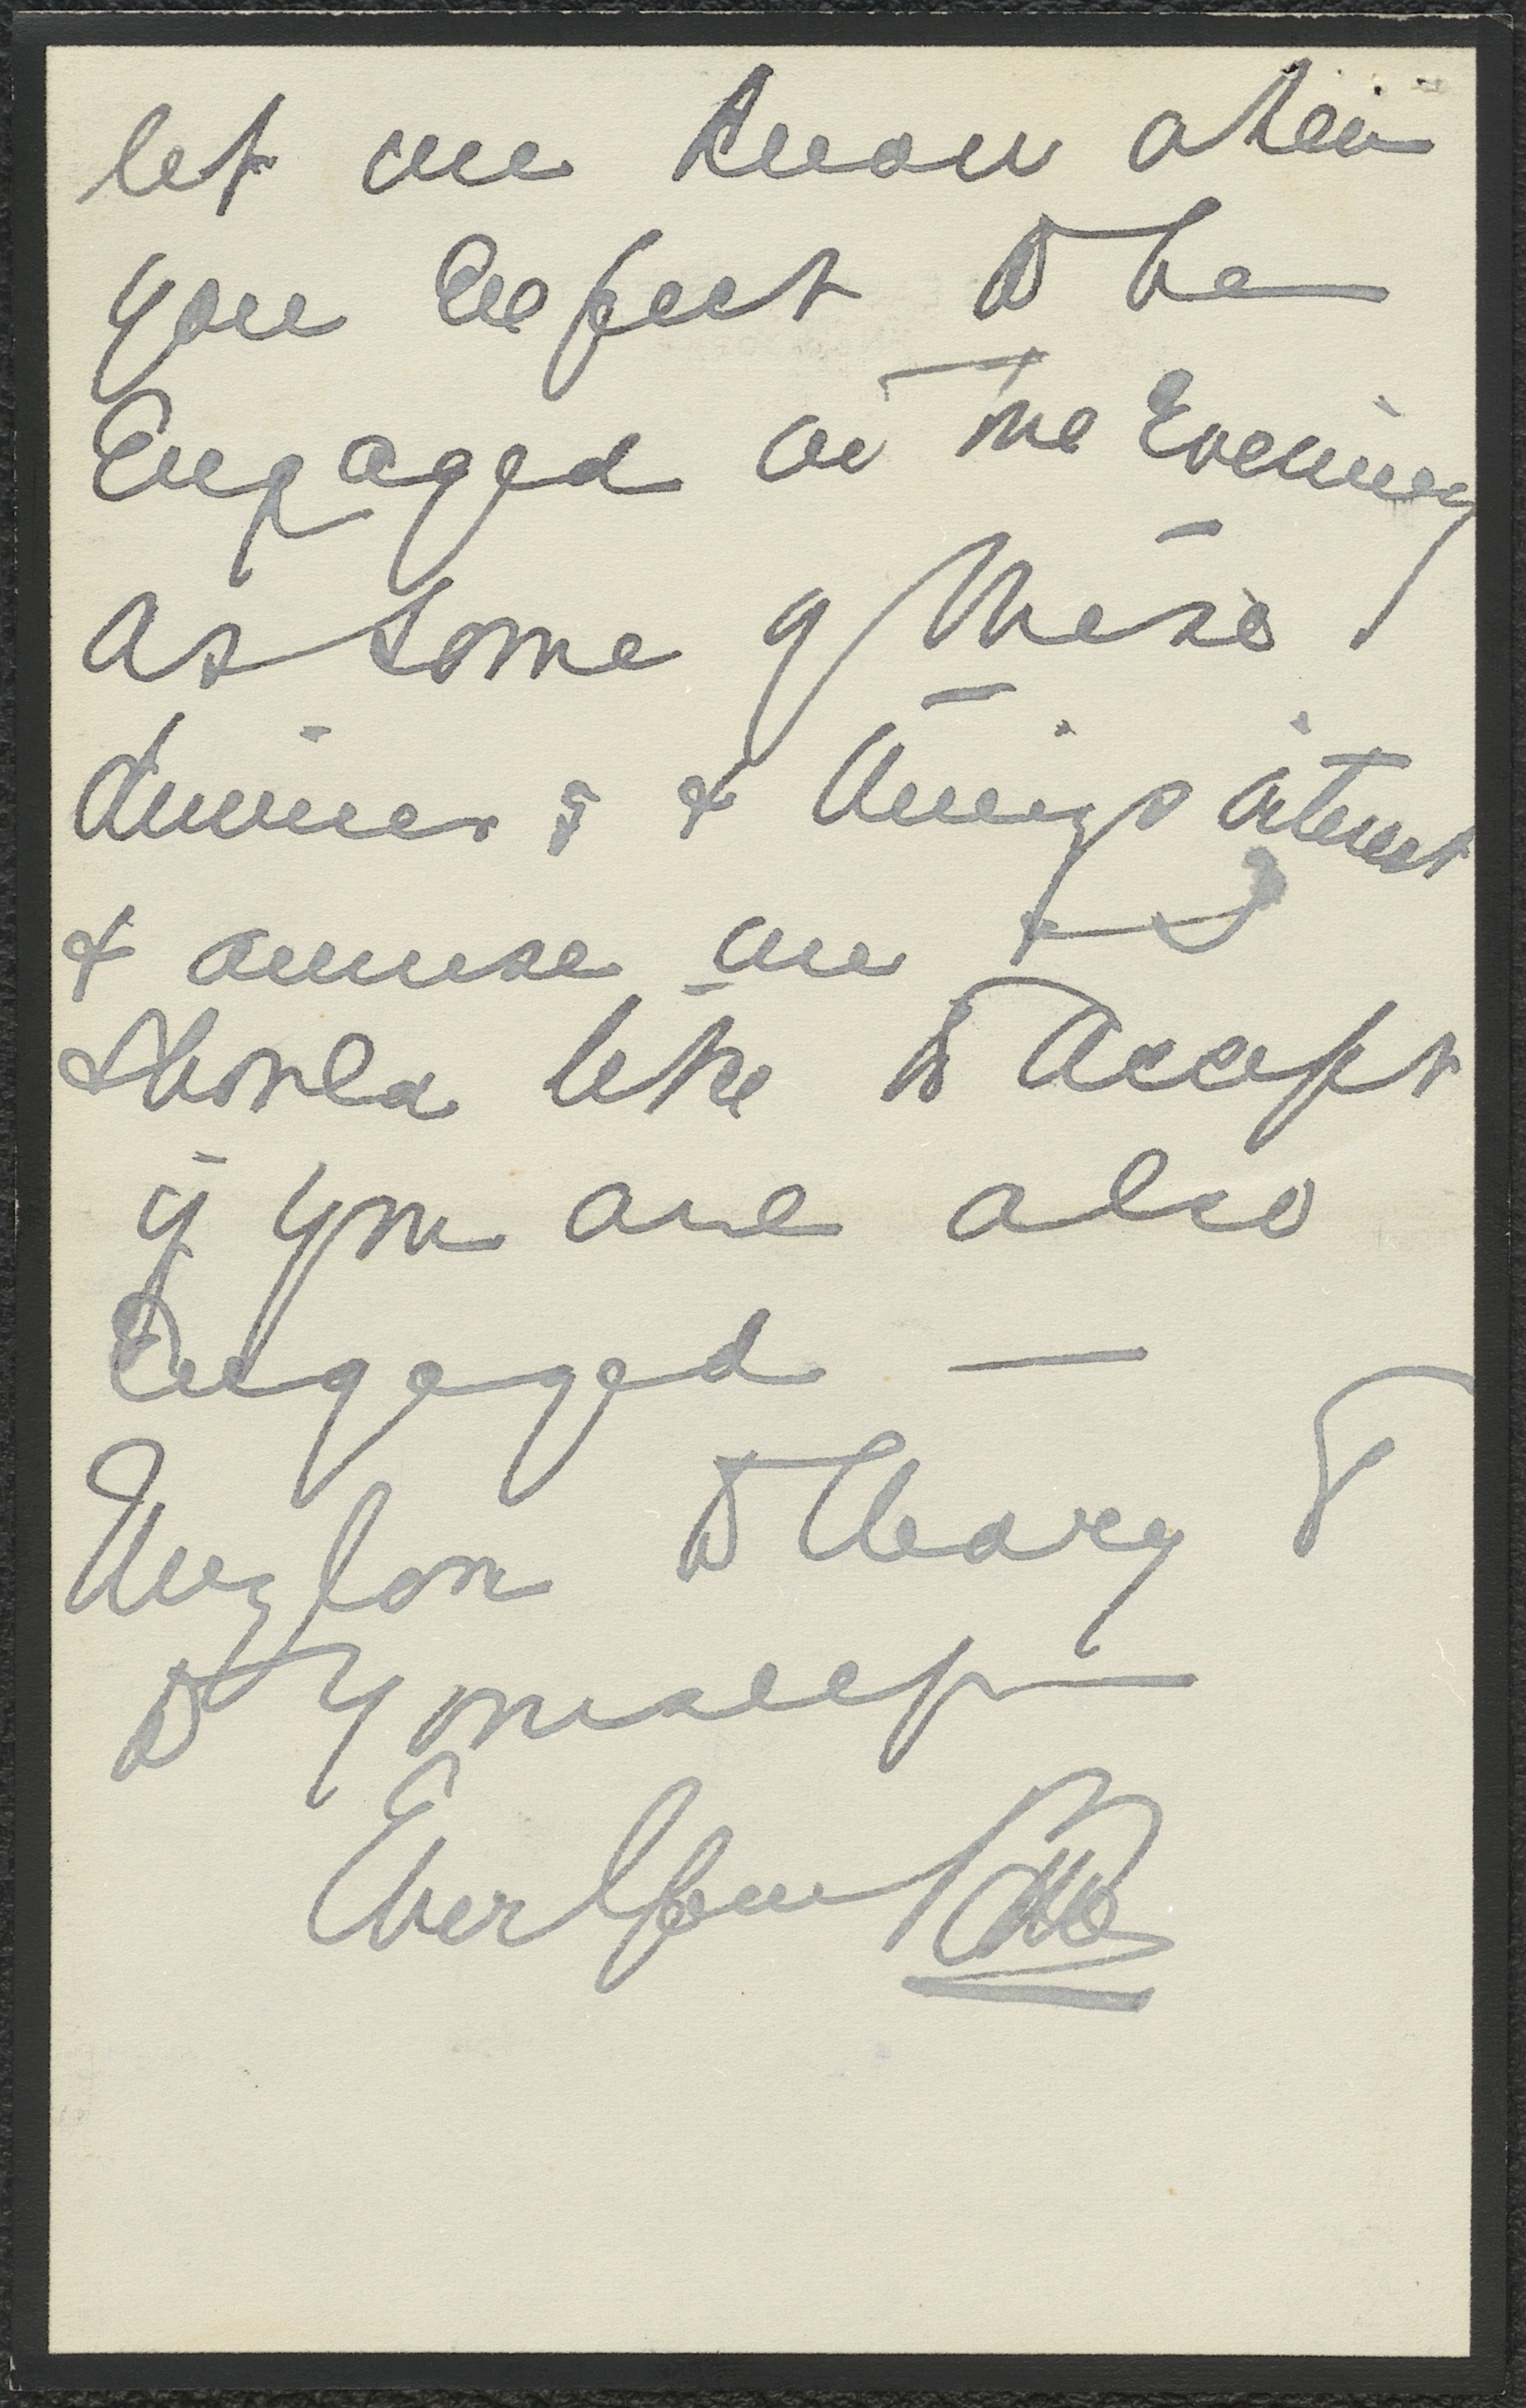let me know when you expect to be engaged in the evening as some of these dinners & things interest & amuse me & I should like to accept if you are also engaged –
My love to Mary & to yourself –
Ever Your Belle